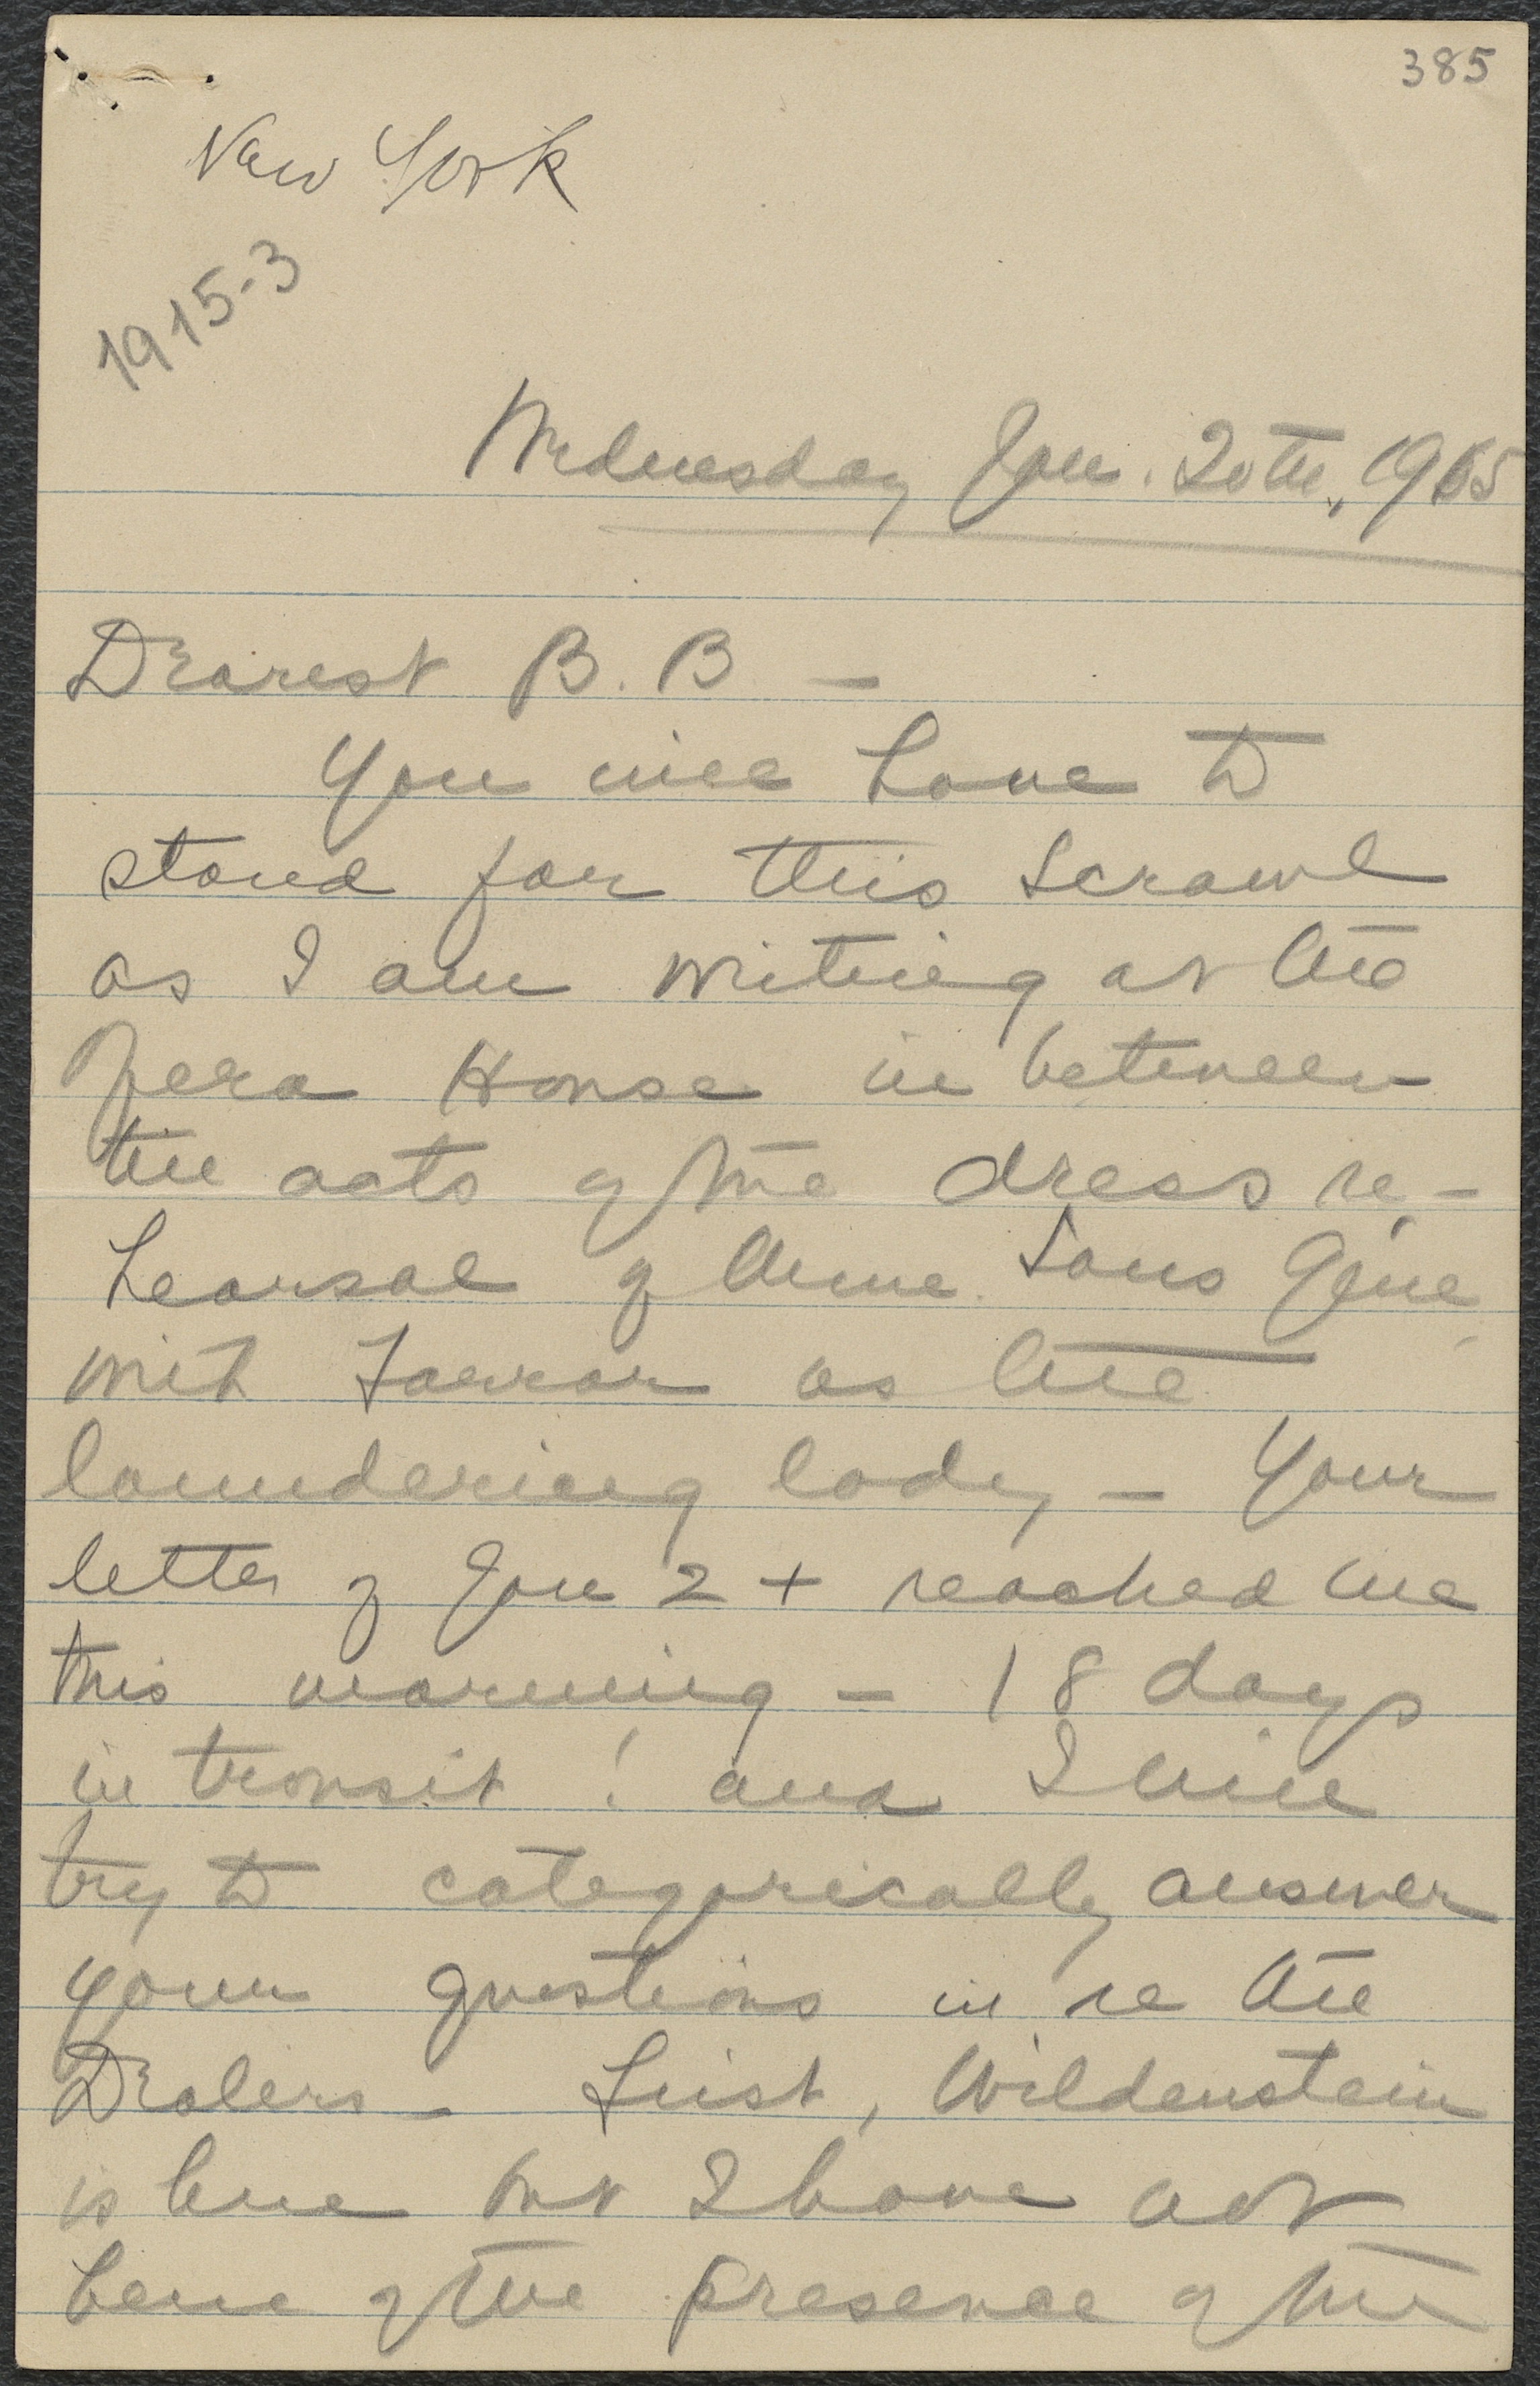Wednesday, Jan. 20th, 1915
Dearest B. B –
You will Love to stand for this scrawl as I am writing at the Opera House between acts of the dress rehearsal of Mme. Sans Gené with Farrar as the laundering lady – Your letter of Jan. 2+ reached me this morning – 18 days in transit! and I will try to categorically answer your questions in re the Dealers. First, Wildenstein is here but I have not been of the presence of the